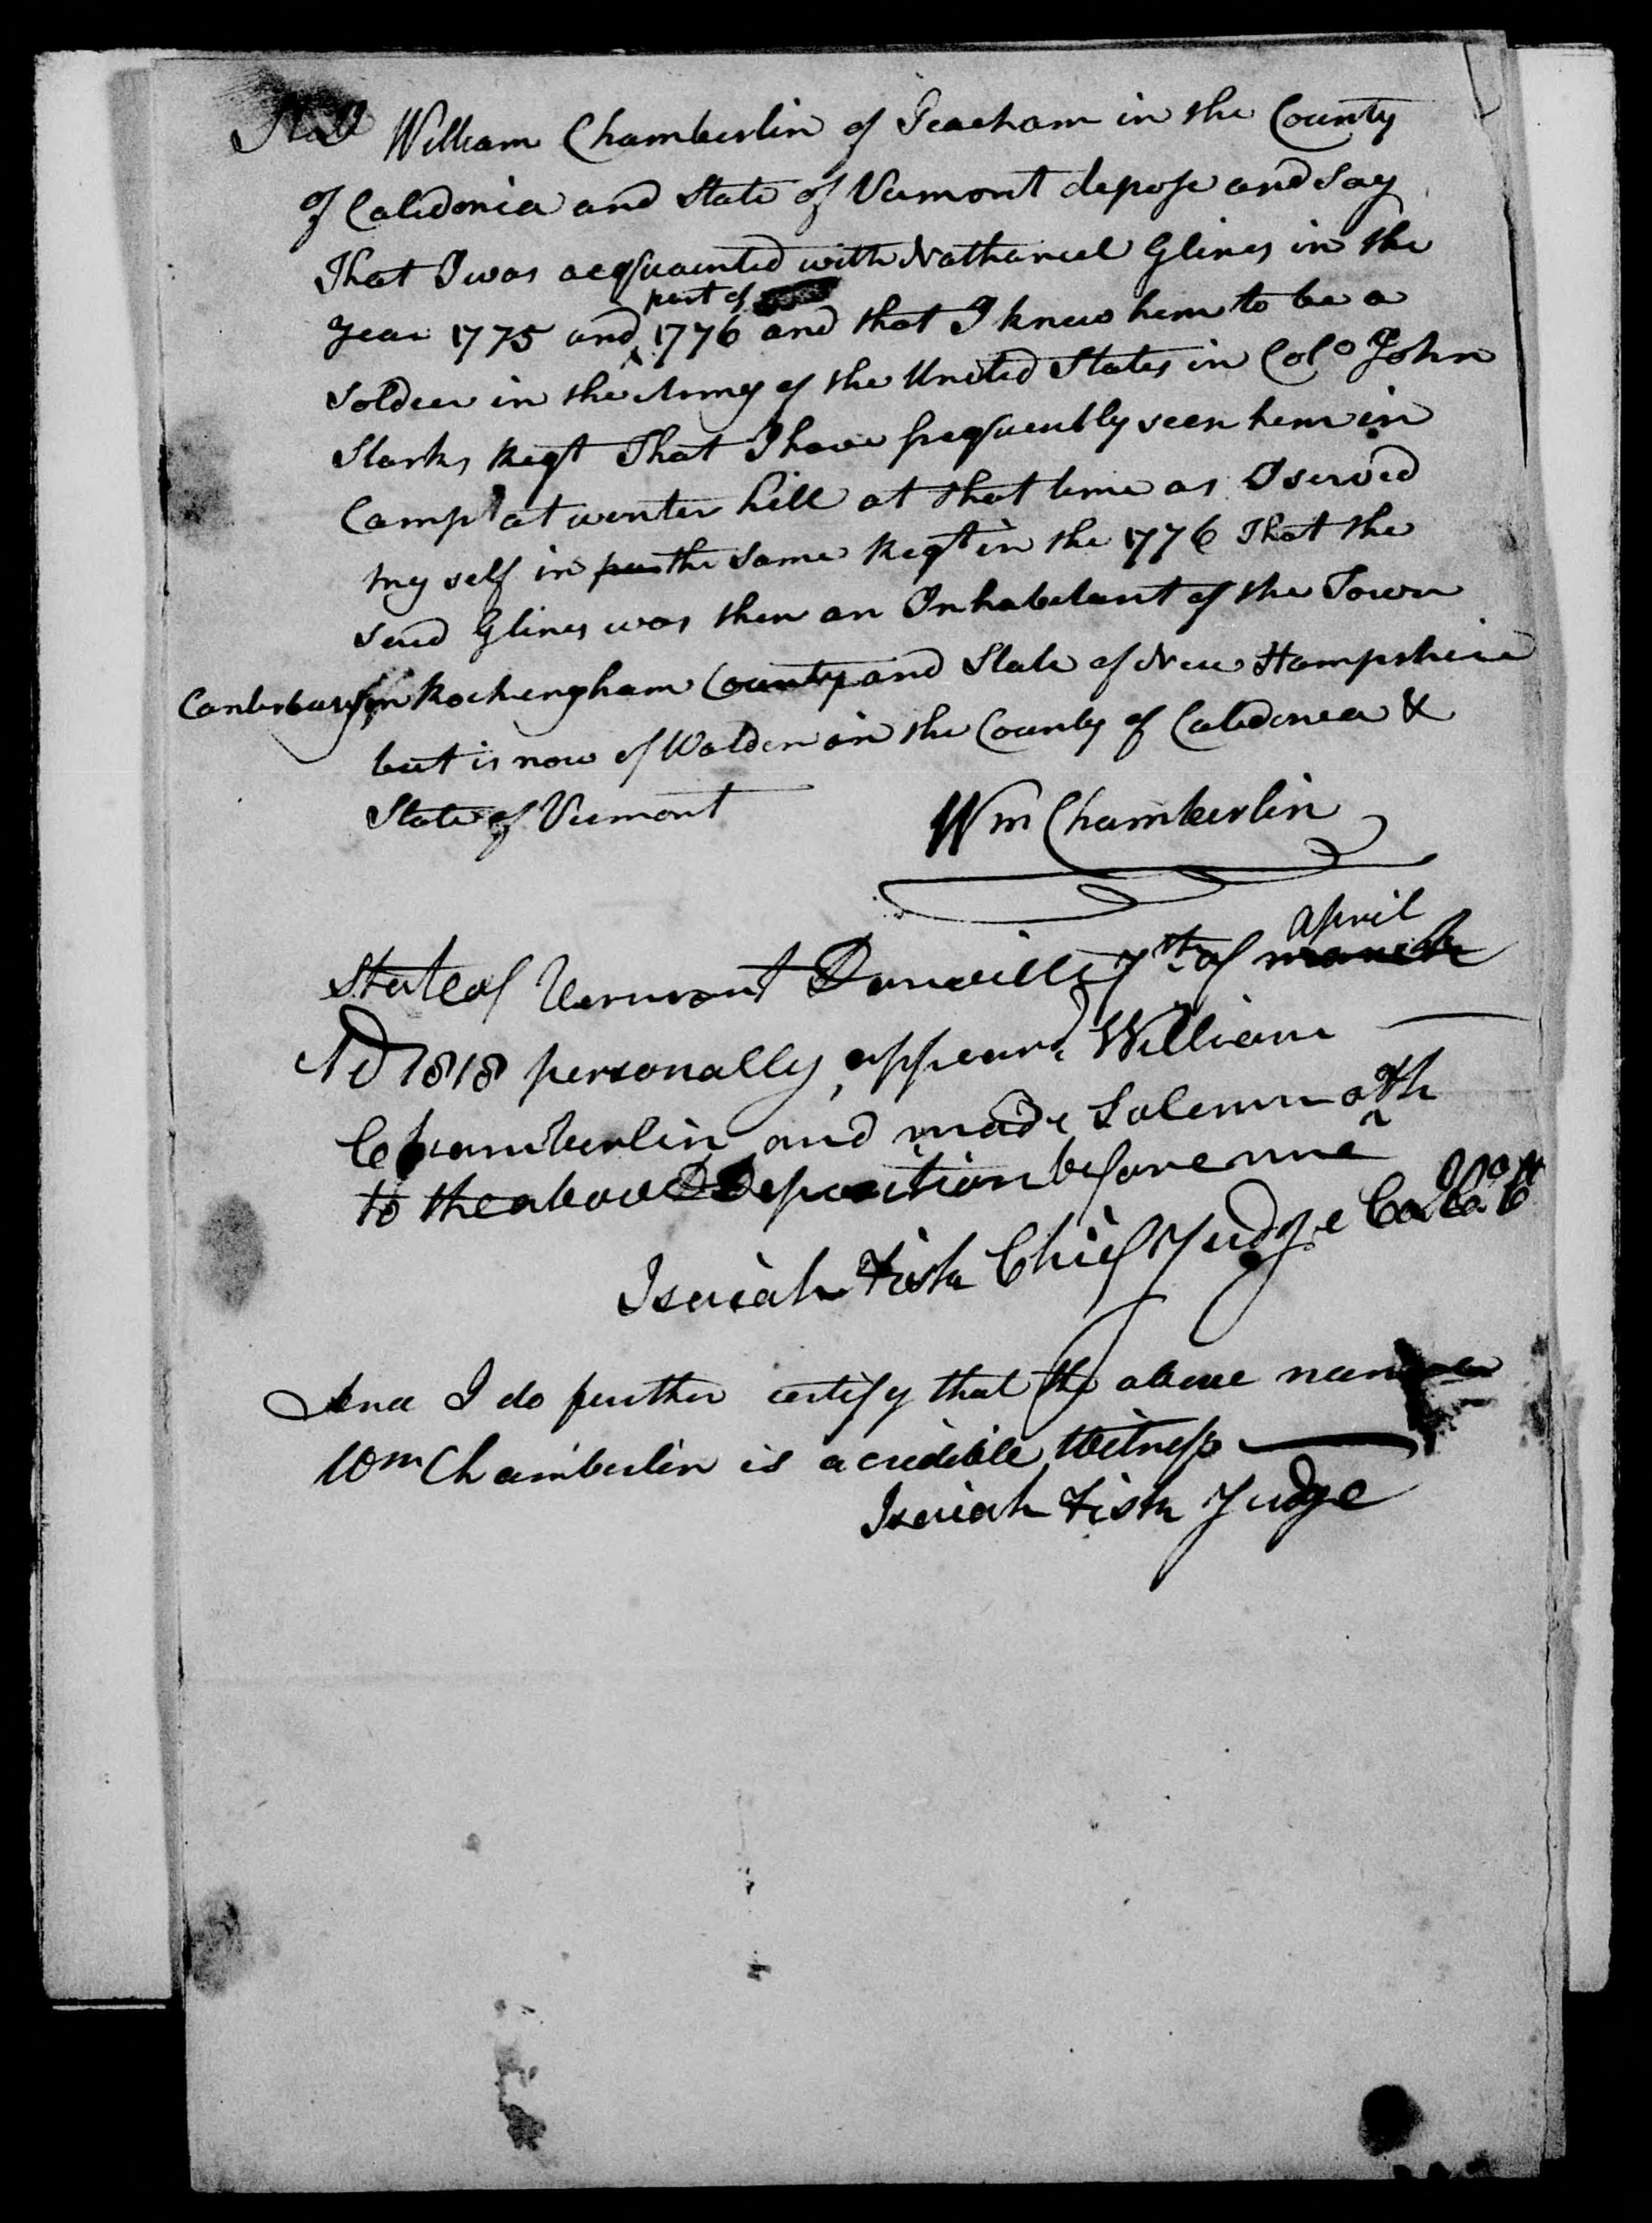I William Chamberlin of Peacham in the County
of Caledonia and State of Vermont depose and say
That I was acquainted with Nathaniel Glines in the
year 1775 and part of 1776 and that I knew him to be a
soldier in the Army of the United States in Col. John 
Stark's Regt. That I have frequently seen him in
Camp at winter hill at that time as I served
myself in the same Regt. in the 1776. That the
said Glines was then an Inhabitant of the Town
Canterbury in Rockingham County and State of New Hampshire
but is now of Walden in the County of Caledonia & 
State of Vermont.
Wm Chamberlin
State of Vermont Danville 7th of April
AD 1818 personally appeared William
Chamberlin and made solemn oath
to the above deposition before me
Isaiah Fisk Chief Judge Cal. Co. Ct.
And I do further certify that the above named
Wm Chamberlin is a credible witness.
Isaiah Fisk Judge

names: Nathaniel Glines, William Chamberlin, Wm Chamberlin, Glines, Wm Chamberlin, Isaiah Fisk, Isaiah Fisk, William Chamberlin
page: 8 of 29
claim: widow's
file: W. 24,282, Nathaniel Glines, N.H.